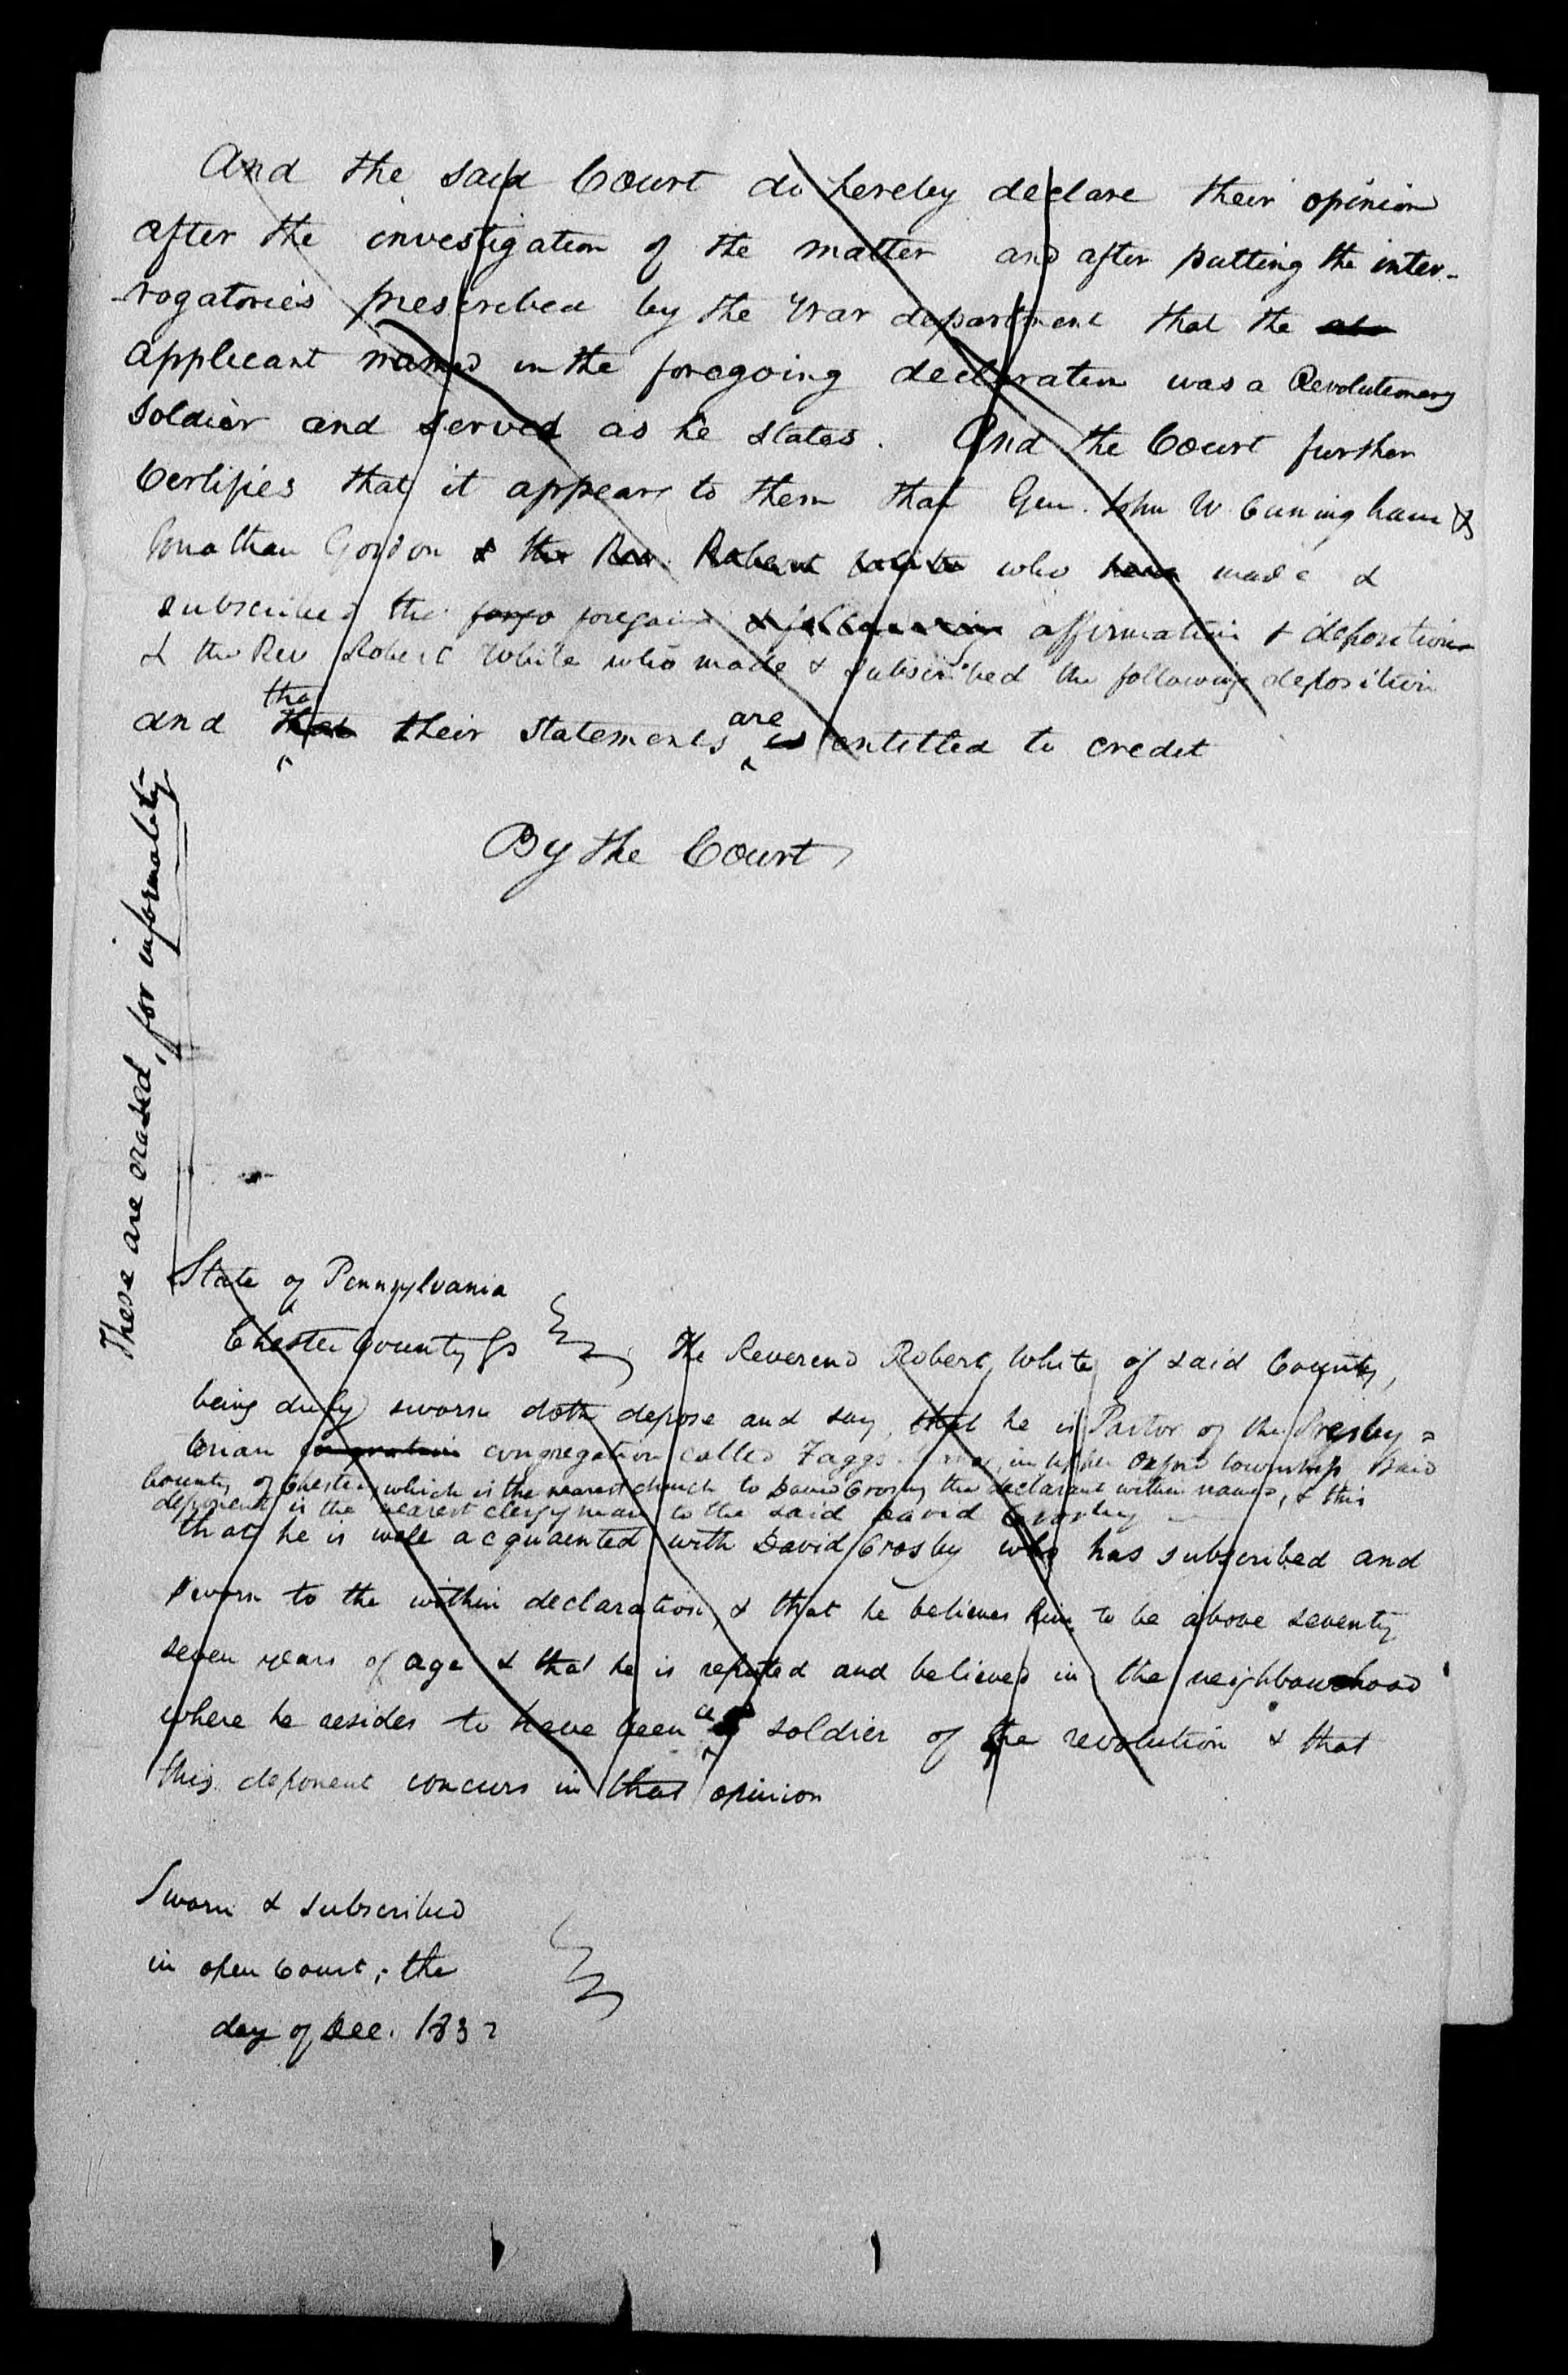[2 dark x through the middle of each paragraph]

And the said court do hereby declare their opinion after the investigation of the ,matter and after putting the interrogatories prescribed by the  War Department that the [word scratched out] applicant named named in the forgoing declaration was a Revolutionary soldier and served as he states. And the court further certifies that it appears to them that John W Cunningham , Johnathan Gordon, Robert White [who have made and subscribed the forgoing [word crossed out with hash lines] affirmation + deposition The Rev Robert White who made + published the following deposition  and that  their statements are entitled to Credit
By the court
[left margin of the document written sideways]
 These are erased, for informality [underlined 2 times]

[2nd paragraph has 3 x's and 2 slash marks through the paragraph]
State of Pennsylvania 
Chester county Pa {squiggle line] The reverend Robert White of said county, being duly sworn doth depose and say that he is Pastor of the Presbyterian [word crossed out] congregation called Faggs Manor in Upper Oxford township said] county of Chester, which in the nearest church to David Crosby the declaration written names, and this declaration in the nearest clergyman to the said David Crosby that he is well acquainted with David Crosby who has inscribed and sworn to the written declaration, and that he believes him to be above seventy seven years of age and that he is reported and he believes in the neighborhood where he resides to have been a soldier of the Revolution and that this dependent concurs in that opinion

Sworn and transcribed 
in open court: the 
day of Dec 1832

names: Robert White, Robert White, Robert White, David Crosby, David Crosby, David Crosby, Jonathan Gordon, John W Cuningham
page: 8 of 19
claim: survivor's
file: S. 12626, David Crosby, Penn.